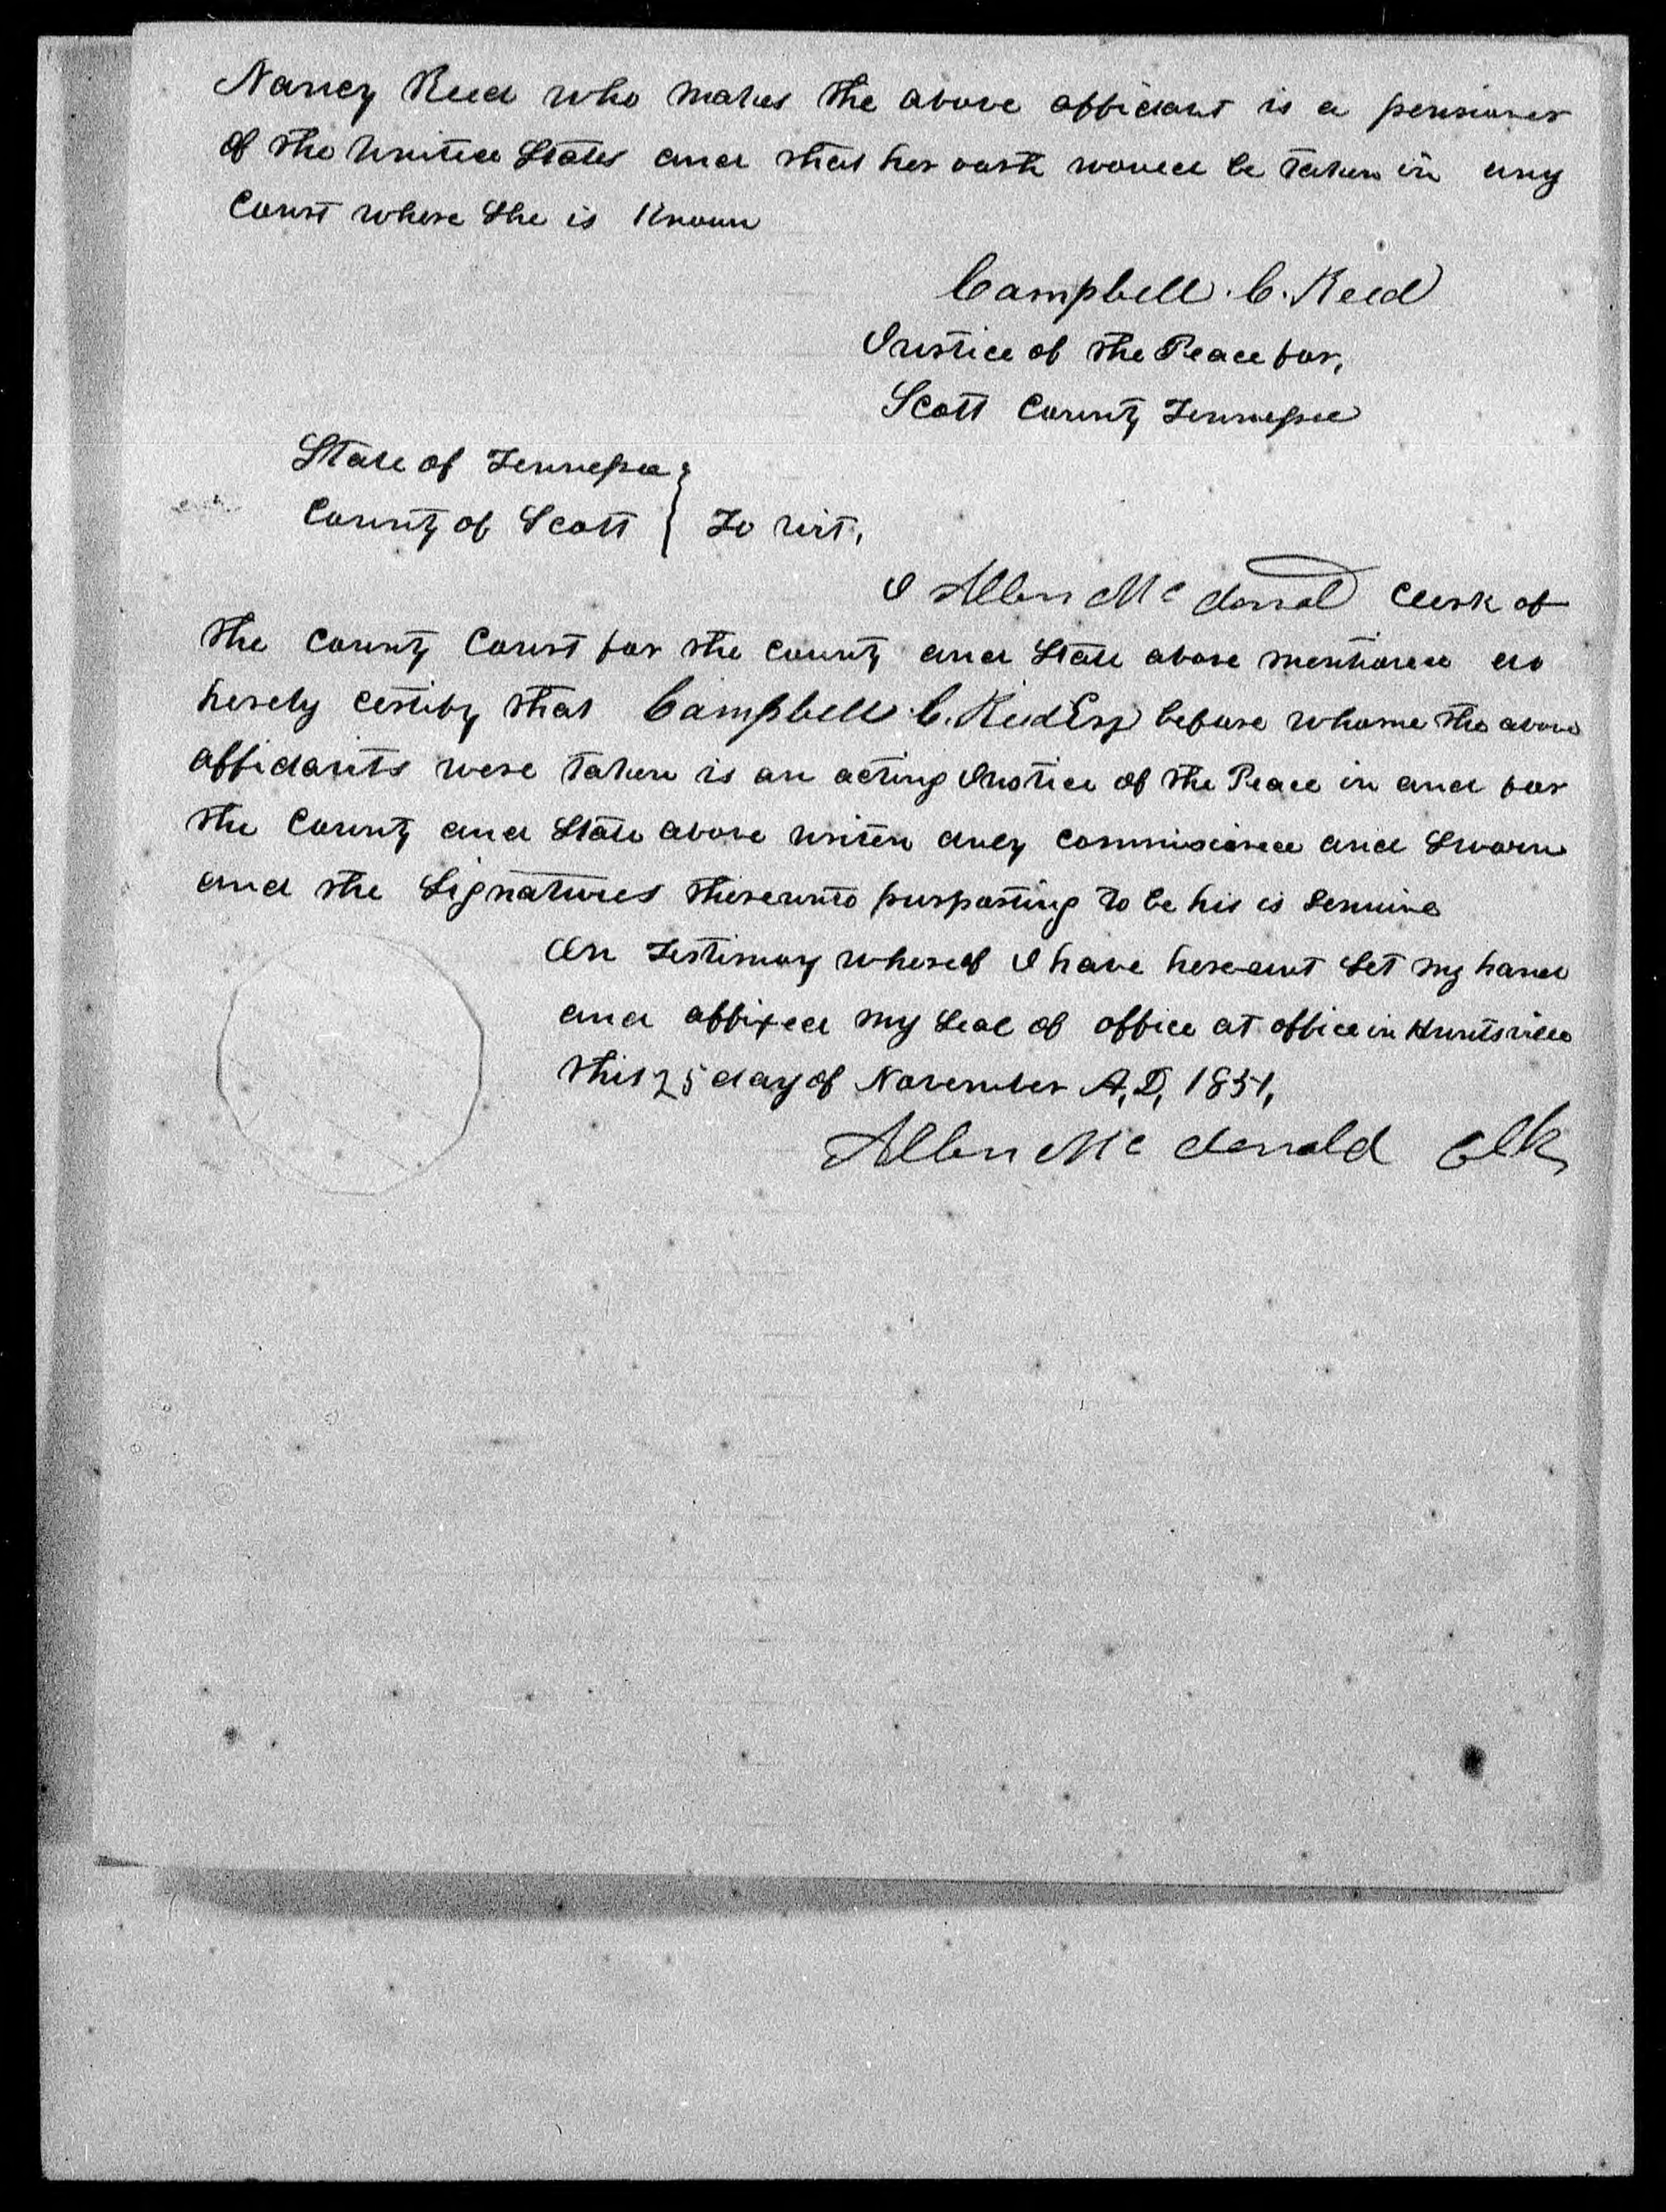Nancy Reed who makes the above affidavit is a pensioner of the United States and that her oath would be taken in any Court where she is known
Campbell C. Reed
Justice of the Peace for,
Scott County Tennessee

State of Tennessee
County of Scott} To Wit,
I Allen McDonald Clerk of
the County Court for the County and State above mentioned do hereby certify that Campbell C. Reid Esq before whom the above affidavits were taken is an acting Justice of the Peace in and for the County and State above written duly commissioned and Sworn and the Signatures thereunto purporting to be his are genuine
In Testimony whereof I have hereunto set my hand and affixed my Seal of office at office in Huntsville this 25 day of November A,D, 1851,
Allen McDonald Clk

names: Campbell C Reed, Allen Mc Donald, Nancy Reed, Allen Mc Donald, Campbell C Reed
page: 53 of 74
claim: widow's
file: W. 5, Joseph Hatfield, Va.